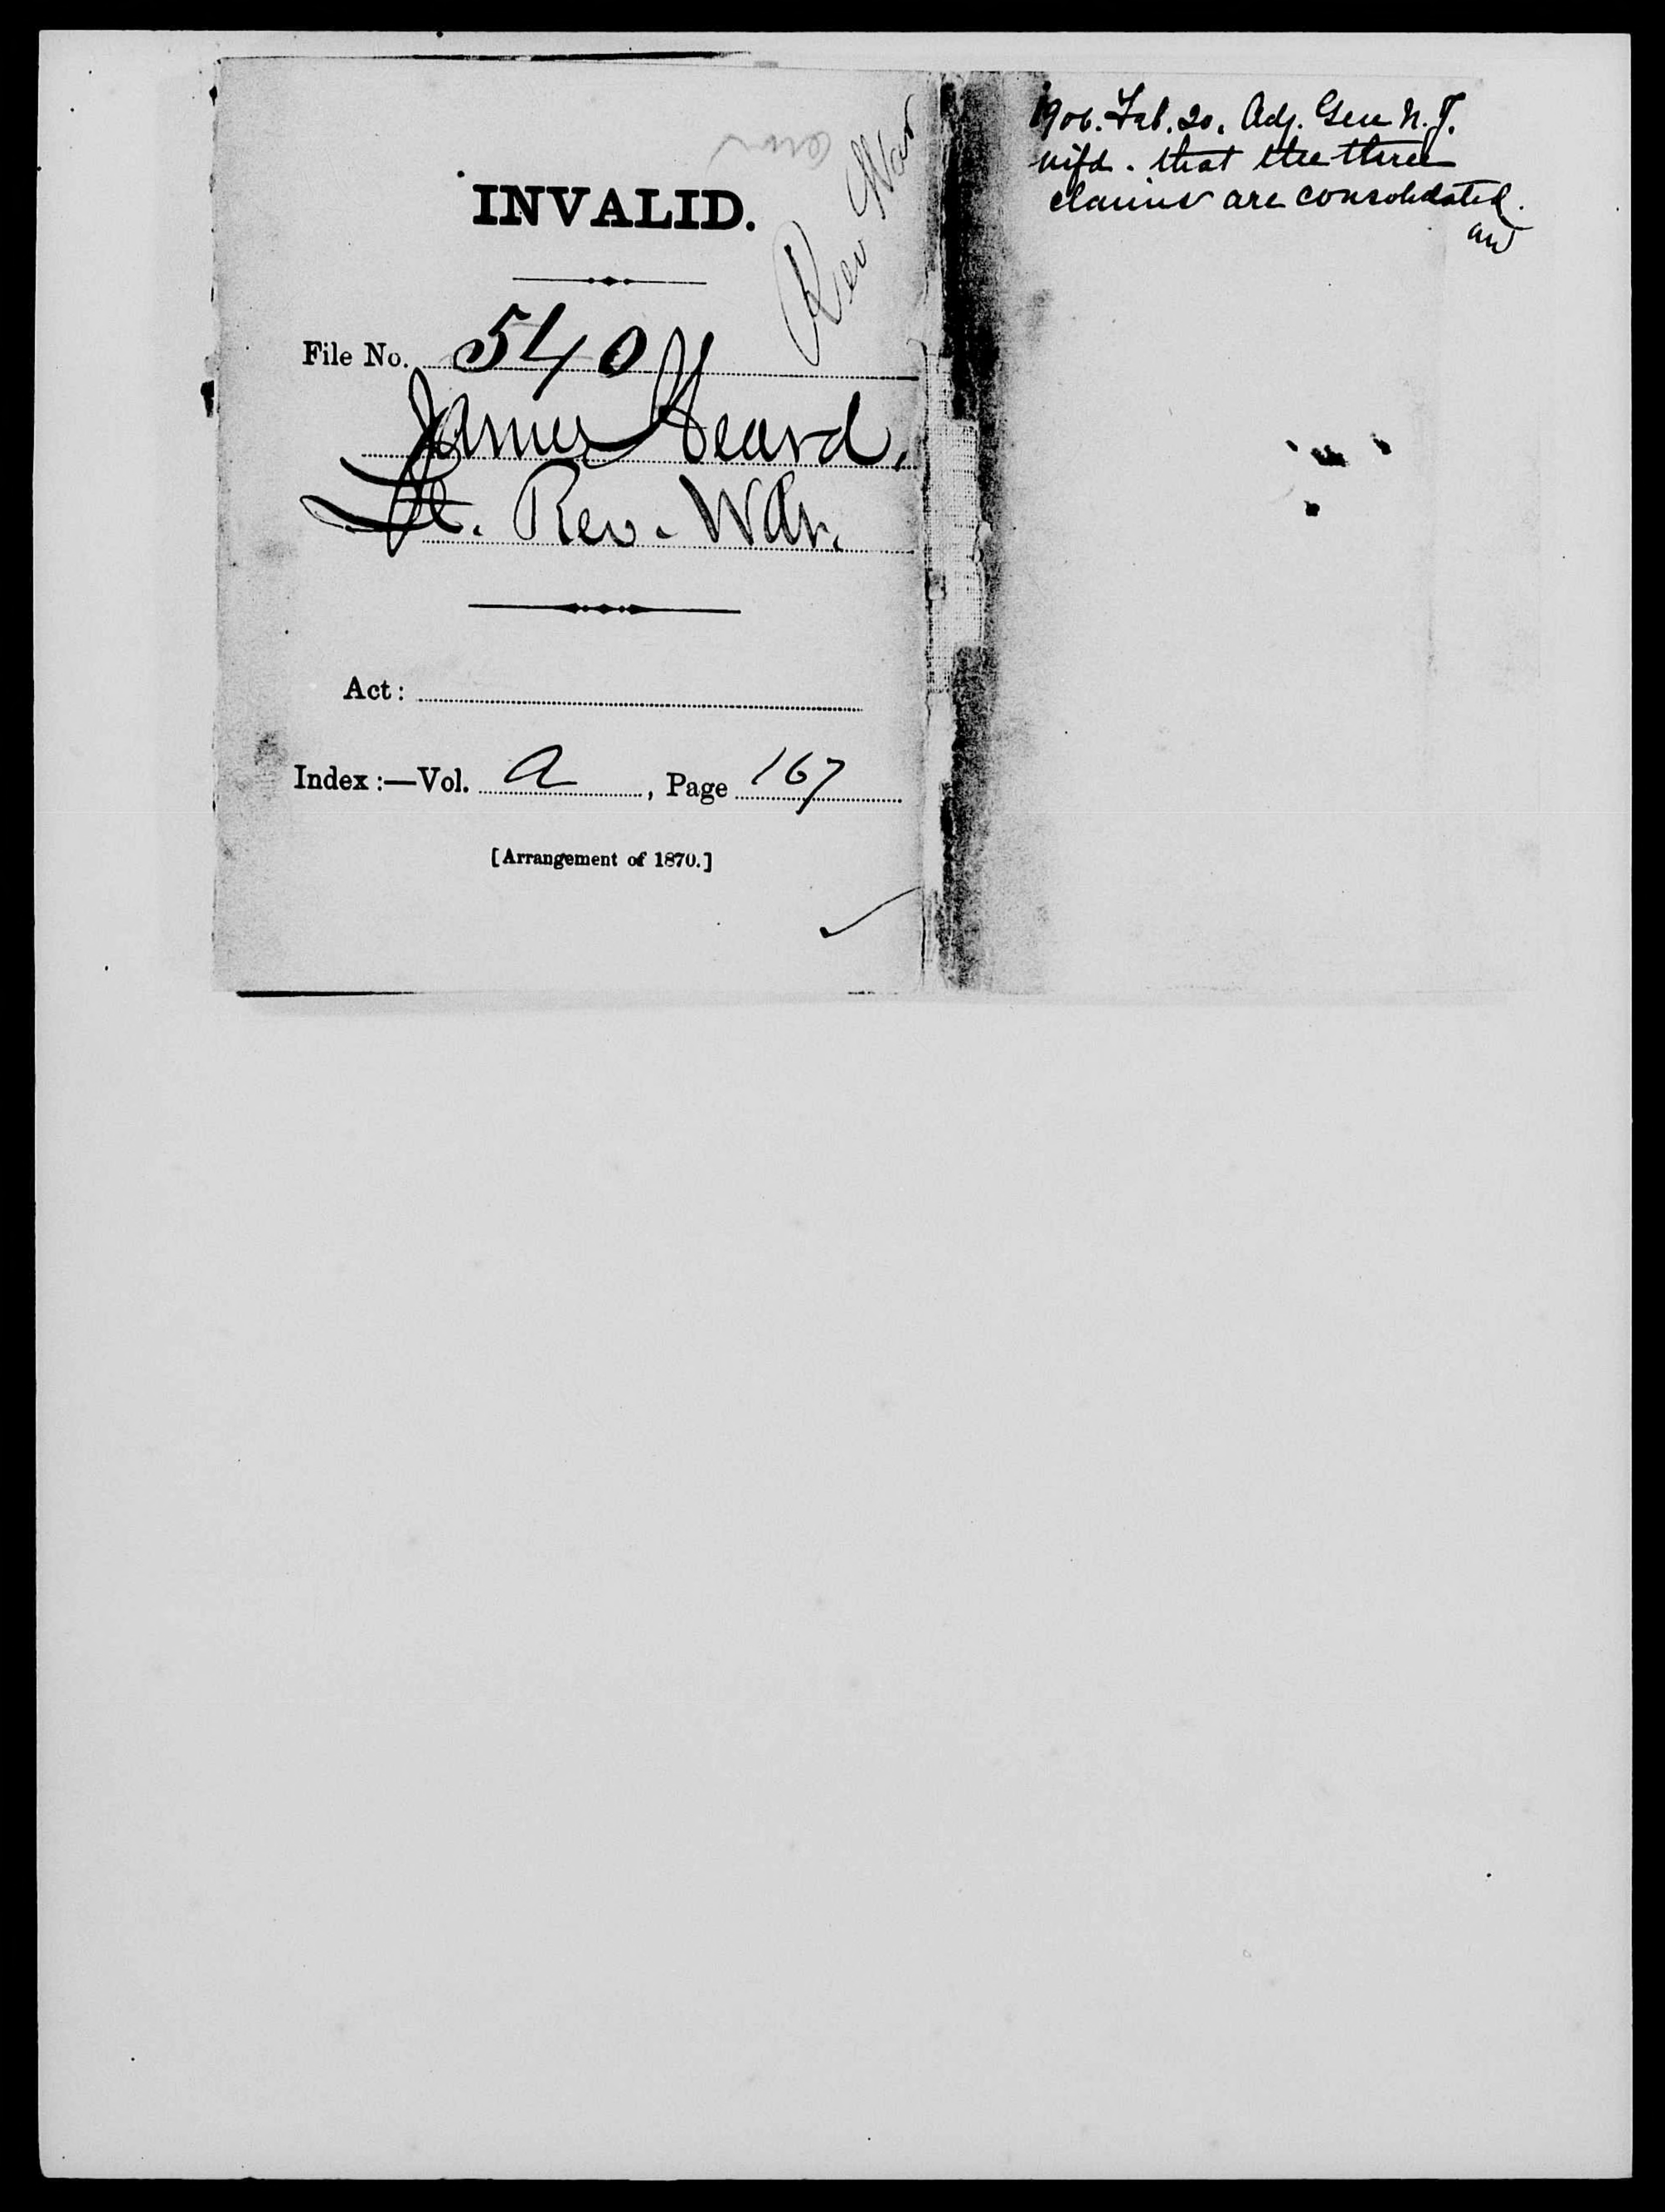Invalid
File No. 540
James Heard 
Revolutionary War 
Act: [Blank]
Index: Vol. A, Page 167
[Arrangement of 1870.]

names: James Heard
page: 10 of 62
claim: survivor's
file: S. 540, James Heard, Continental - New Jersey Residence In 1818